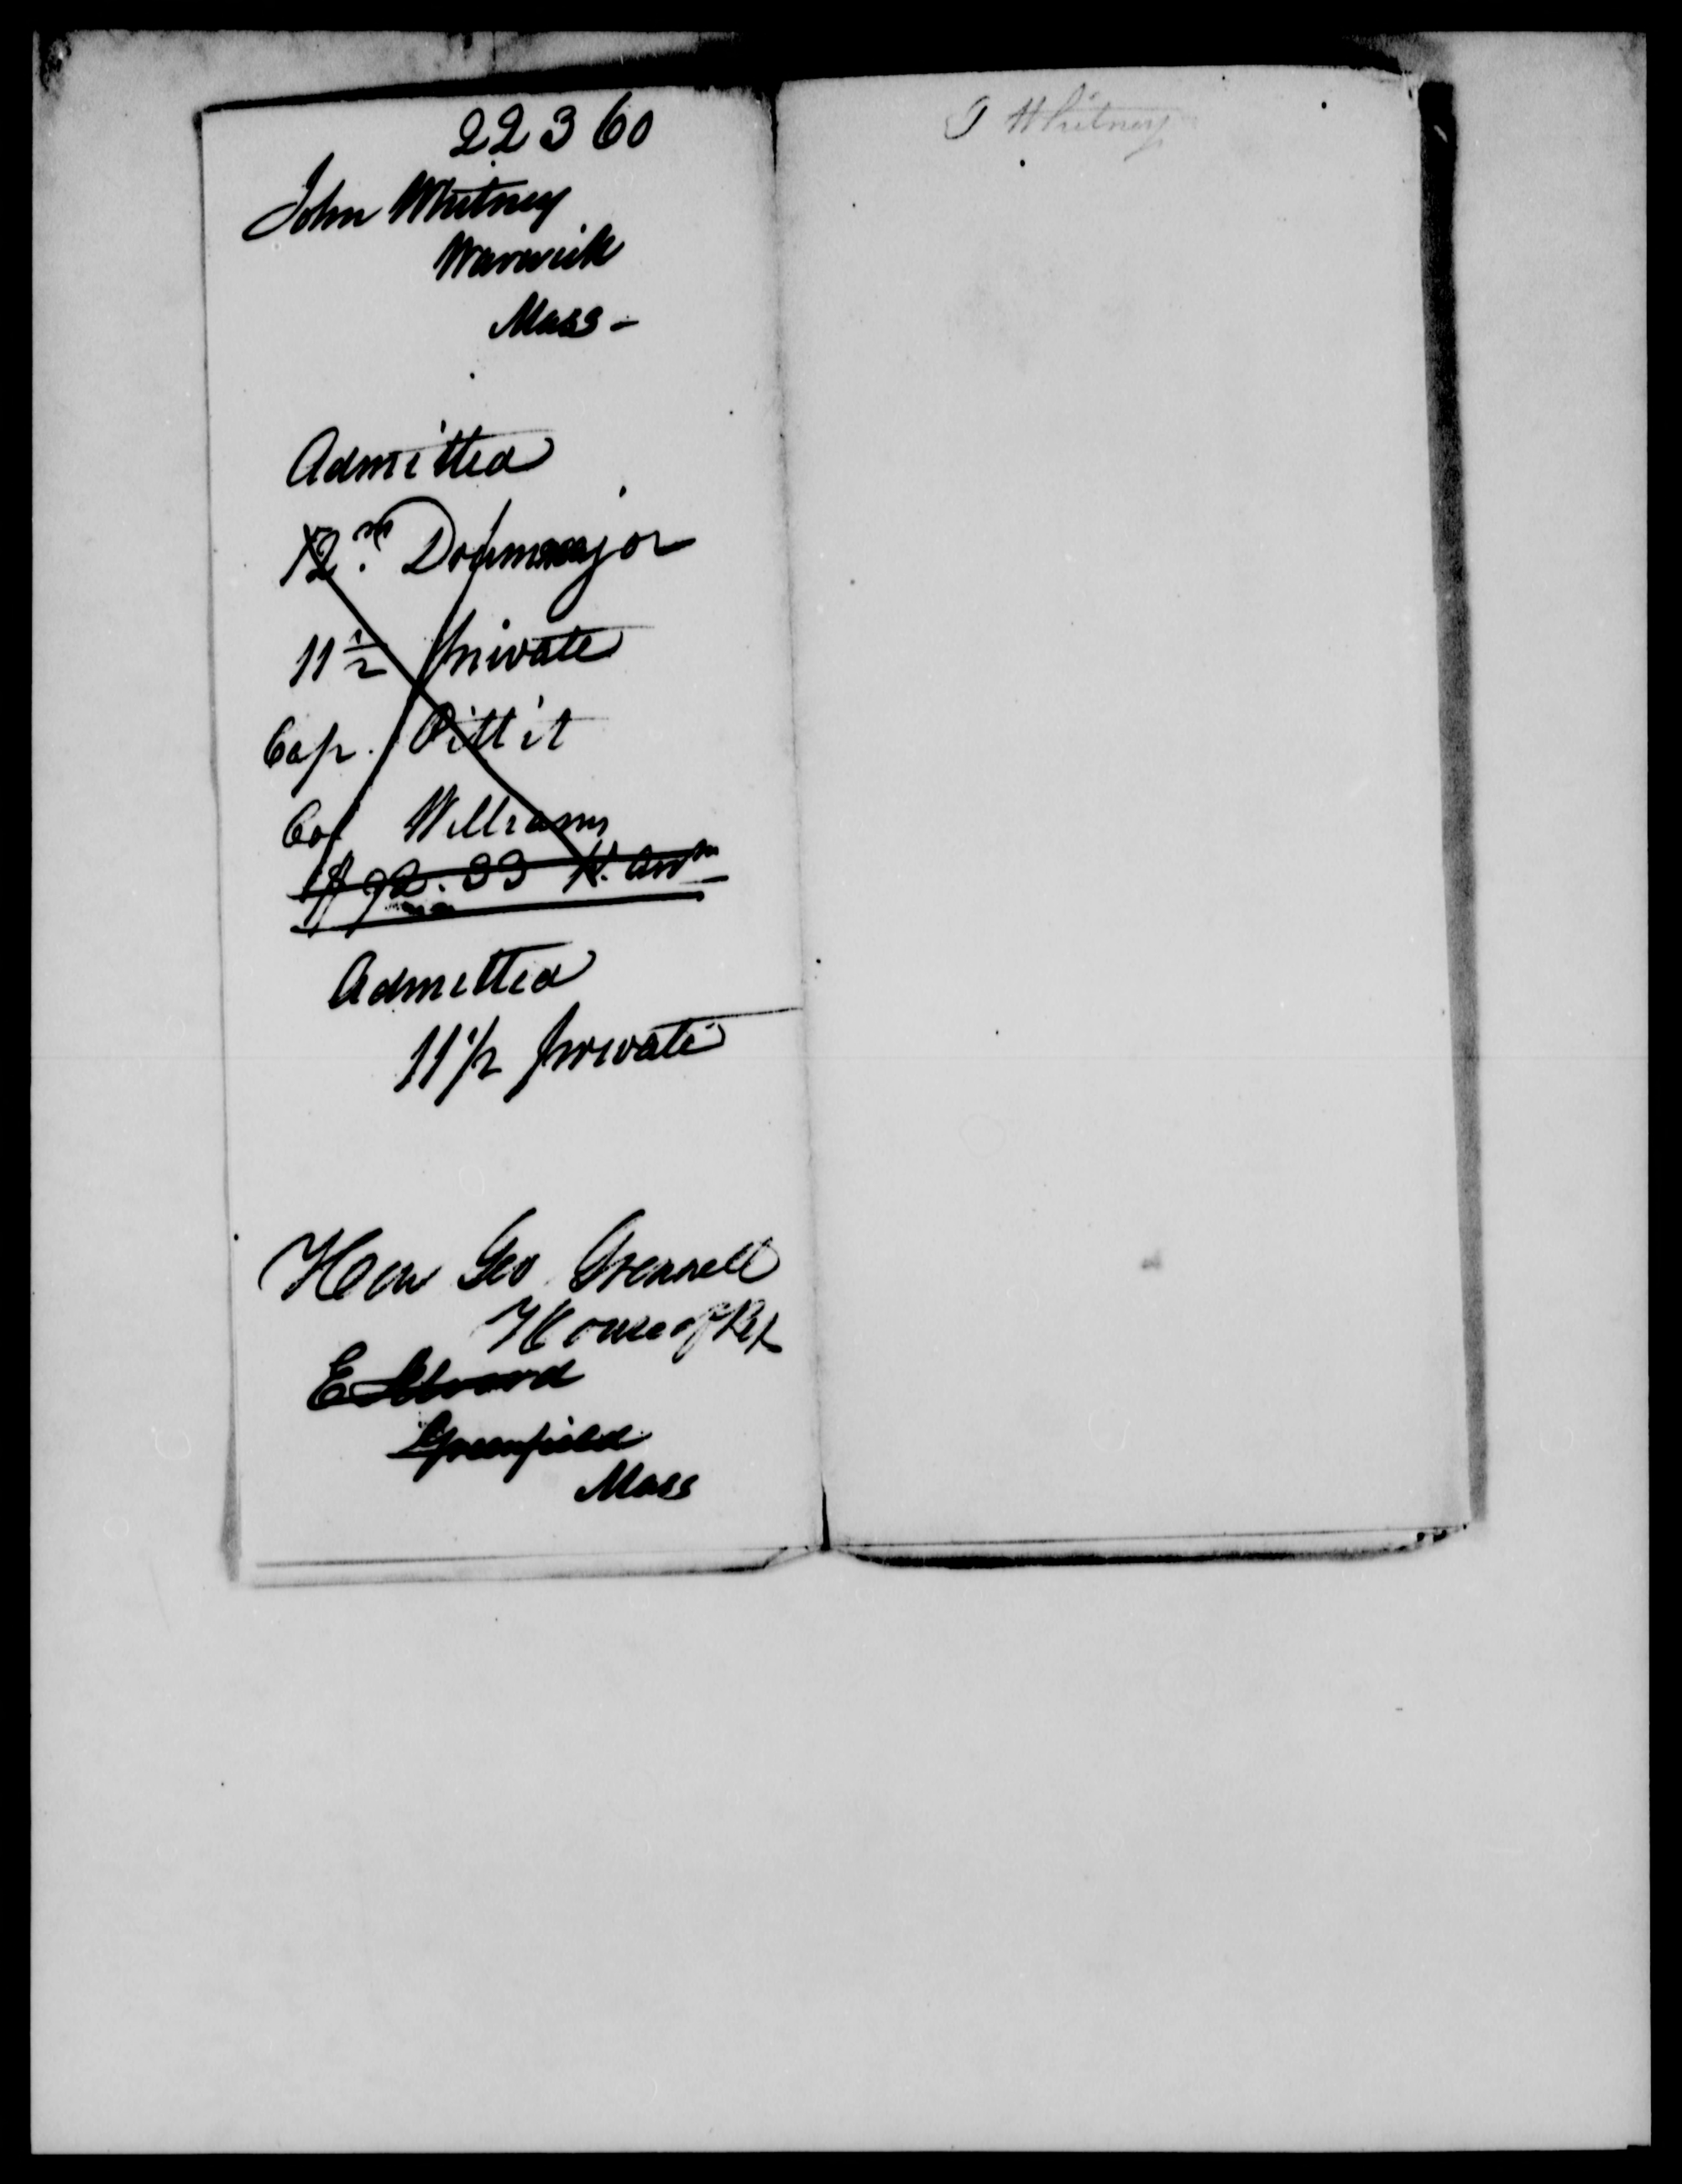22360
John Whitney
Warwick Mass.
Admitted

[crossed out-12 mo Doumajor 11 1/2 private
Cap Pittit Col Williams $92.33 pr ann]  

Admitted
11 1/2 Private

Hon. Geo. Grennell
House of Rep.

[crossed out-E. Alvord Greenfield]
Mass.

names: Geo Grennell, E Alvord, Pittit, John Whitney, Williams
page: 7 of 10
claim: survivor's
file: S. 30,203, John Whitney, Mass.